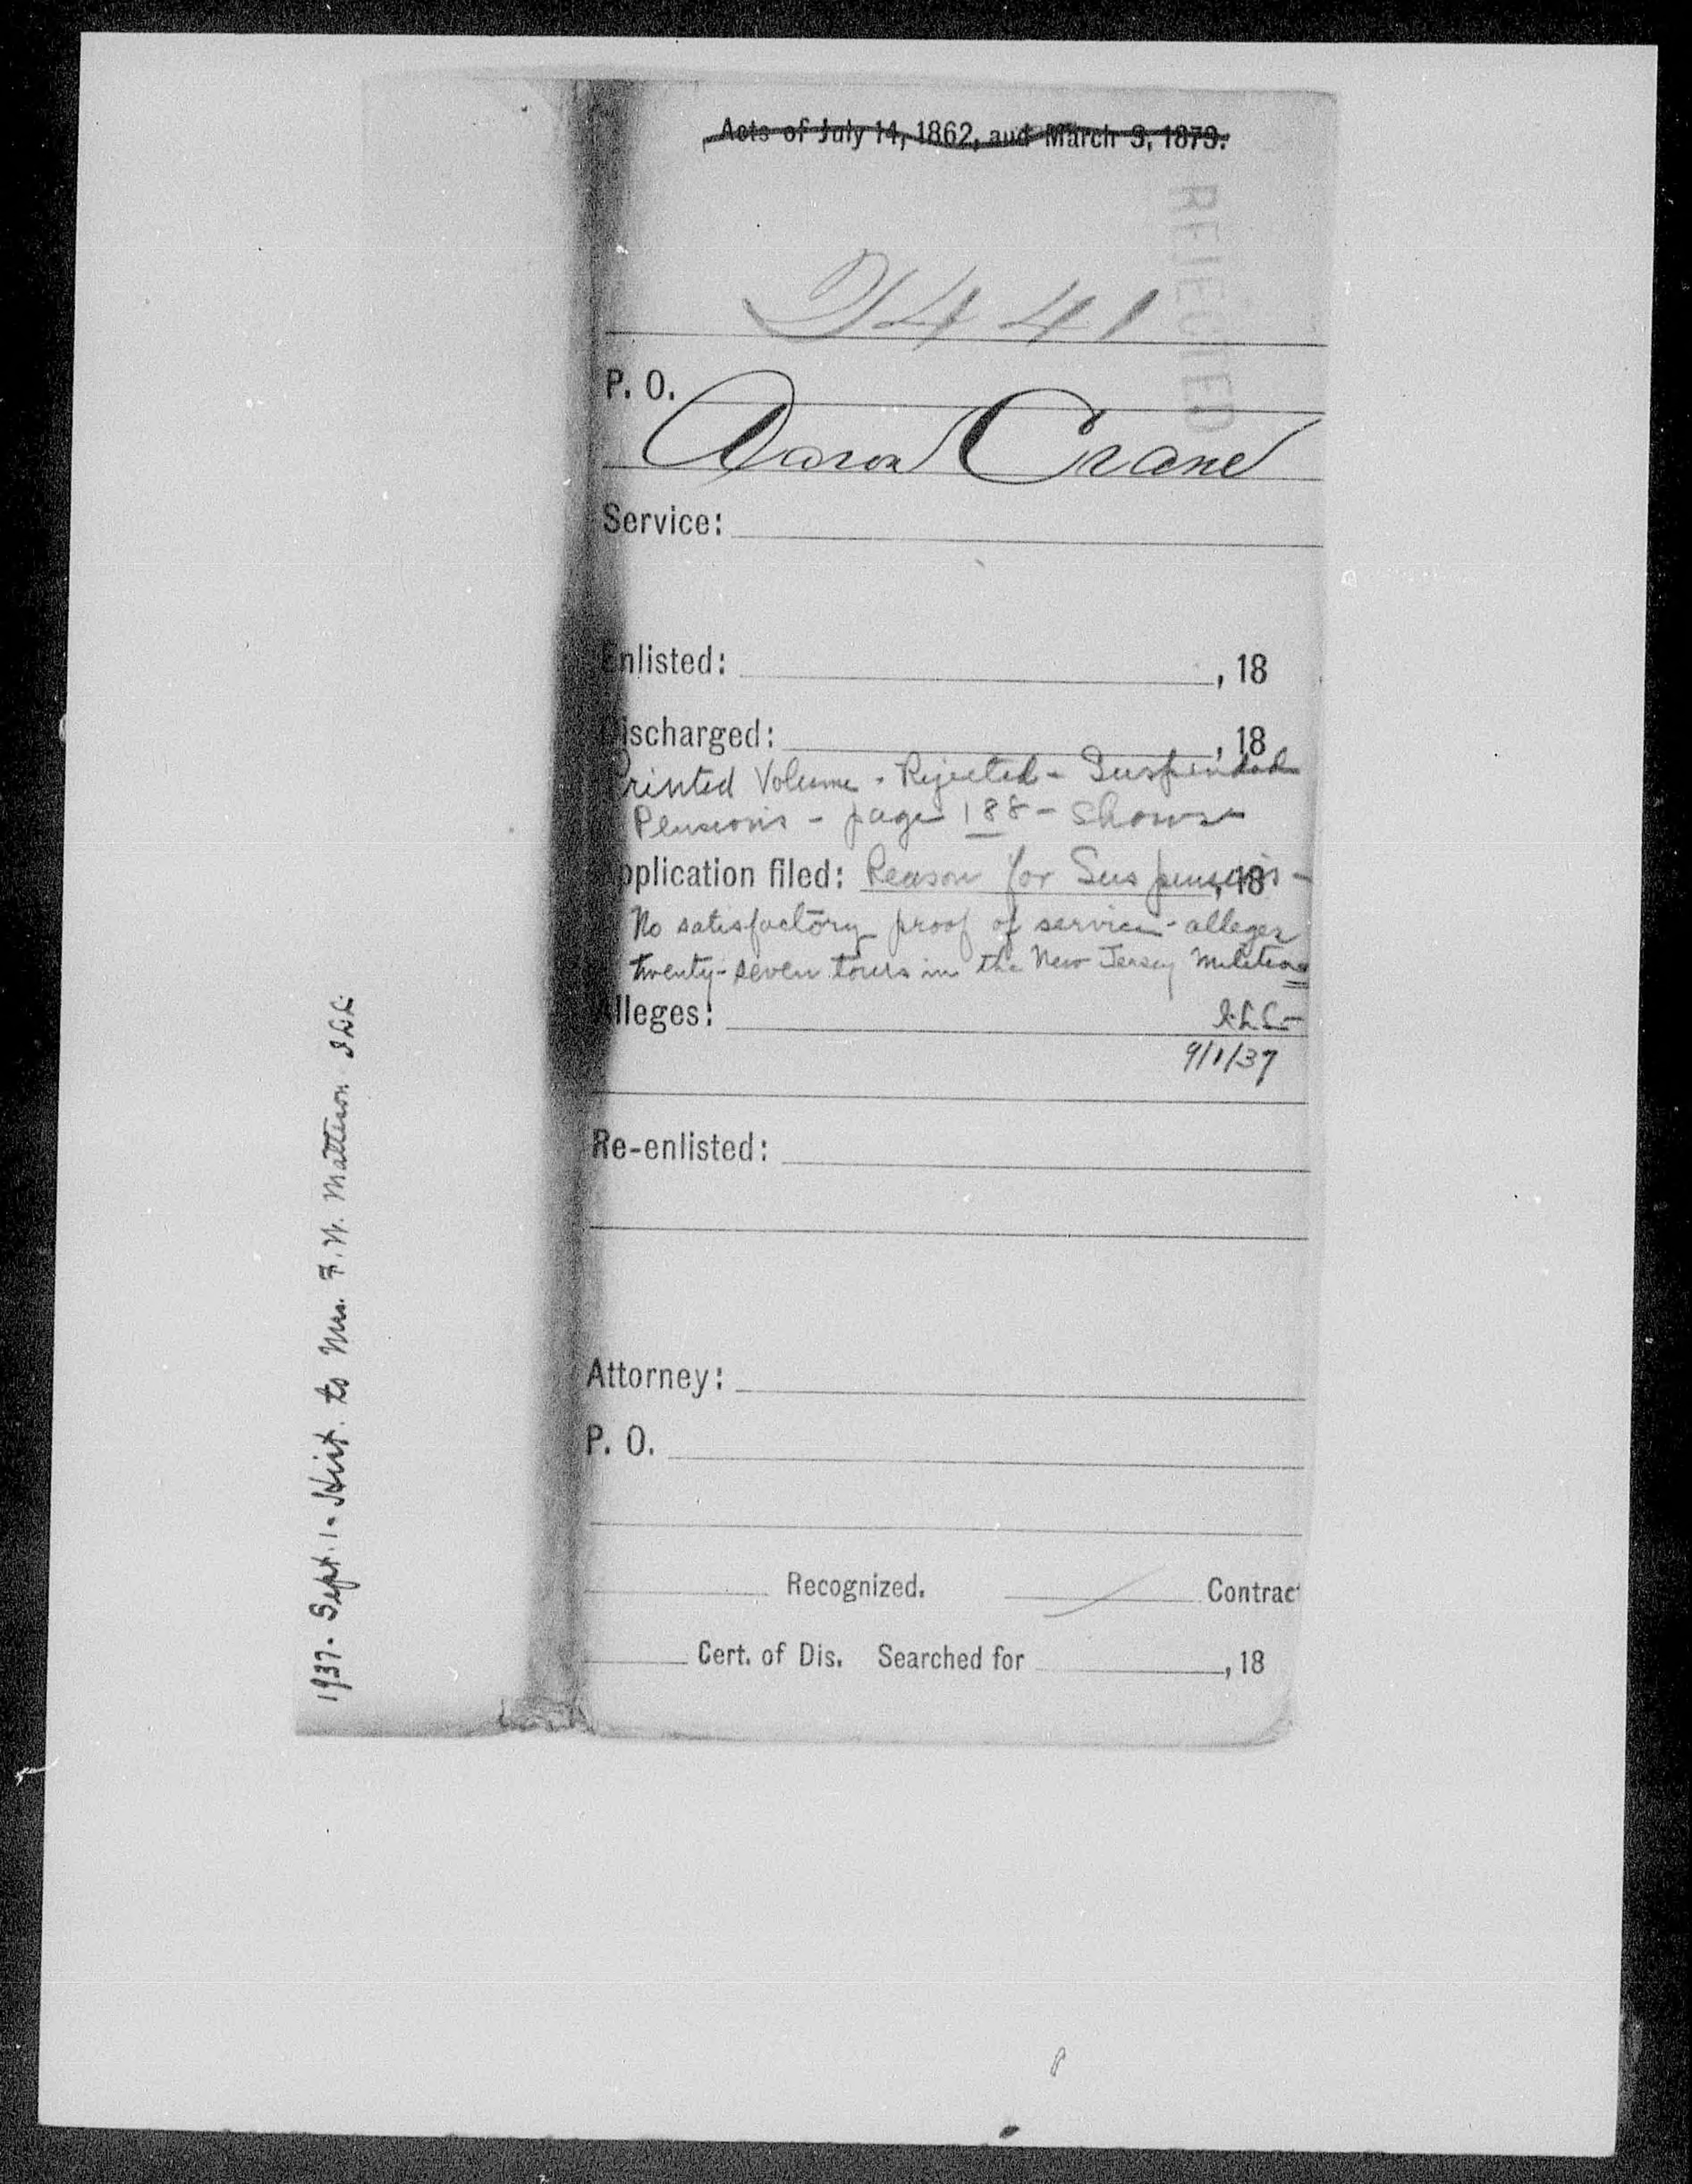(Black Ink Stamp)
REJECTED

Acts of July14, 1862, and March 3, 1879,


2441

P. O.

Aaron Crane

Service:



Enlisted:                                , 18

Discharaged                        , 18

Printed Volume - Rejected Suspended

Pensions  - page 188 - shows


Application filed:  Reason for Suspensions, 18

No satisfactory proof of service - alleges

twenty - sevne tours in New Jersey Militia


Alleges:                                                              I. L. L.
                                                                              9/1/37


Re - enlisted:



Attorney:

P.  O.

                             Recognized.                                       Contract


                   Cert. of Dis.                            Searched for                             , 18


1937 - Sept 1   Hist. to Mrs F W Matterson. I L L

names: Aaron Crane, F W Matteson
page: 9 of 32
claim: rejected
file: R. 2441, Aaron Crane, New Jersey